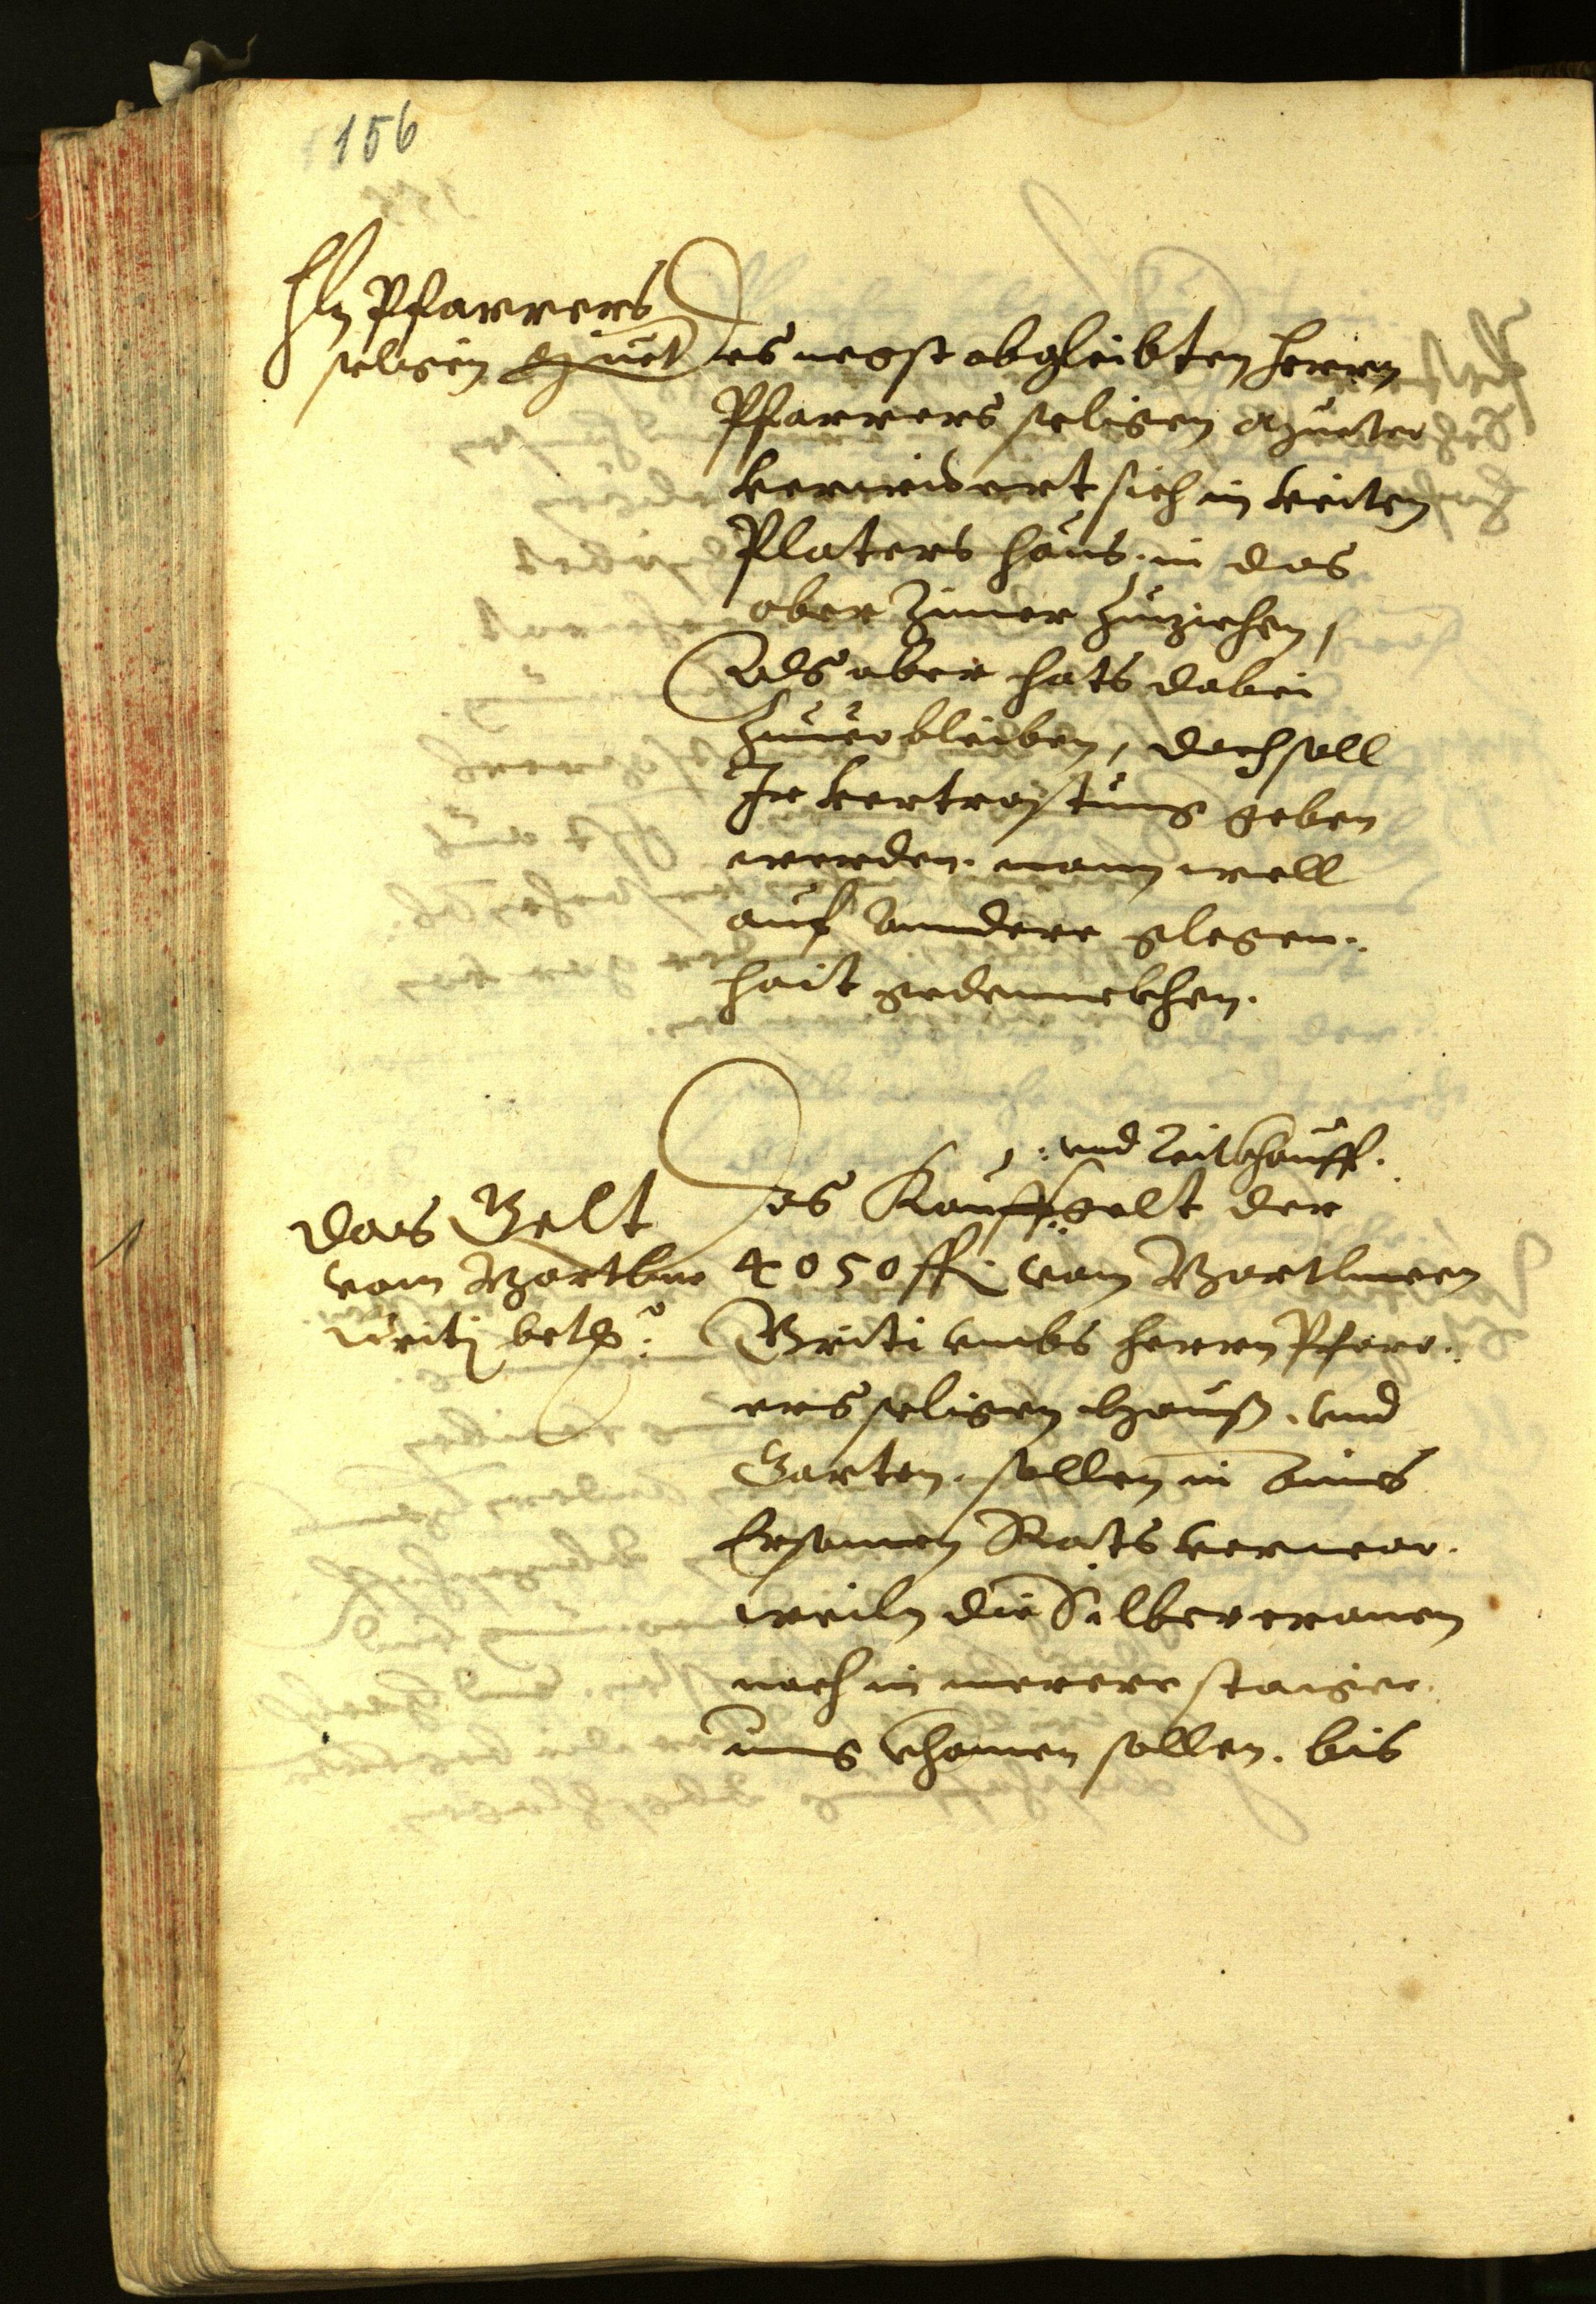156
Hln Pfarrers
seligen Mūet
Des negst abgleibten herrn
Pfarrers seligen Mūeter
verwidert sich in veiten
Platers haūs. in das
ober Zimer Zūziehen,
Als aber hats dabei
Zūūerbleiben, doch soll
Ir vertrostūng geben
werden. mann well
aūf Anndere glegen¬
hait gedennckhen.
:vnd Leitkhaūff:
Das Kaūff:gelt der
4050 fl. vom Bartlmeen
Griti vmbs herrn Pfarr¬
ers seligen Haūß. vnd
Garten. sollen in Aines
Ersamen Rats verwar.
Weiln die Silbercronen
noch in merere staiger¬
ūng khomen sollen. bis
Das Gelt
vom Bartlme
Gritj bet: